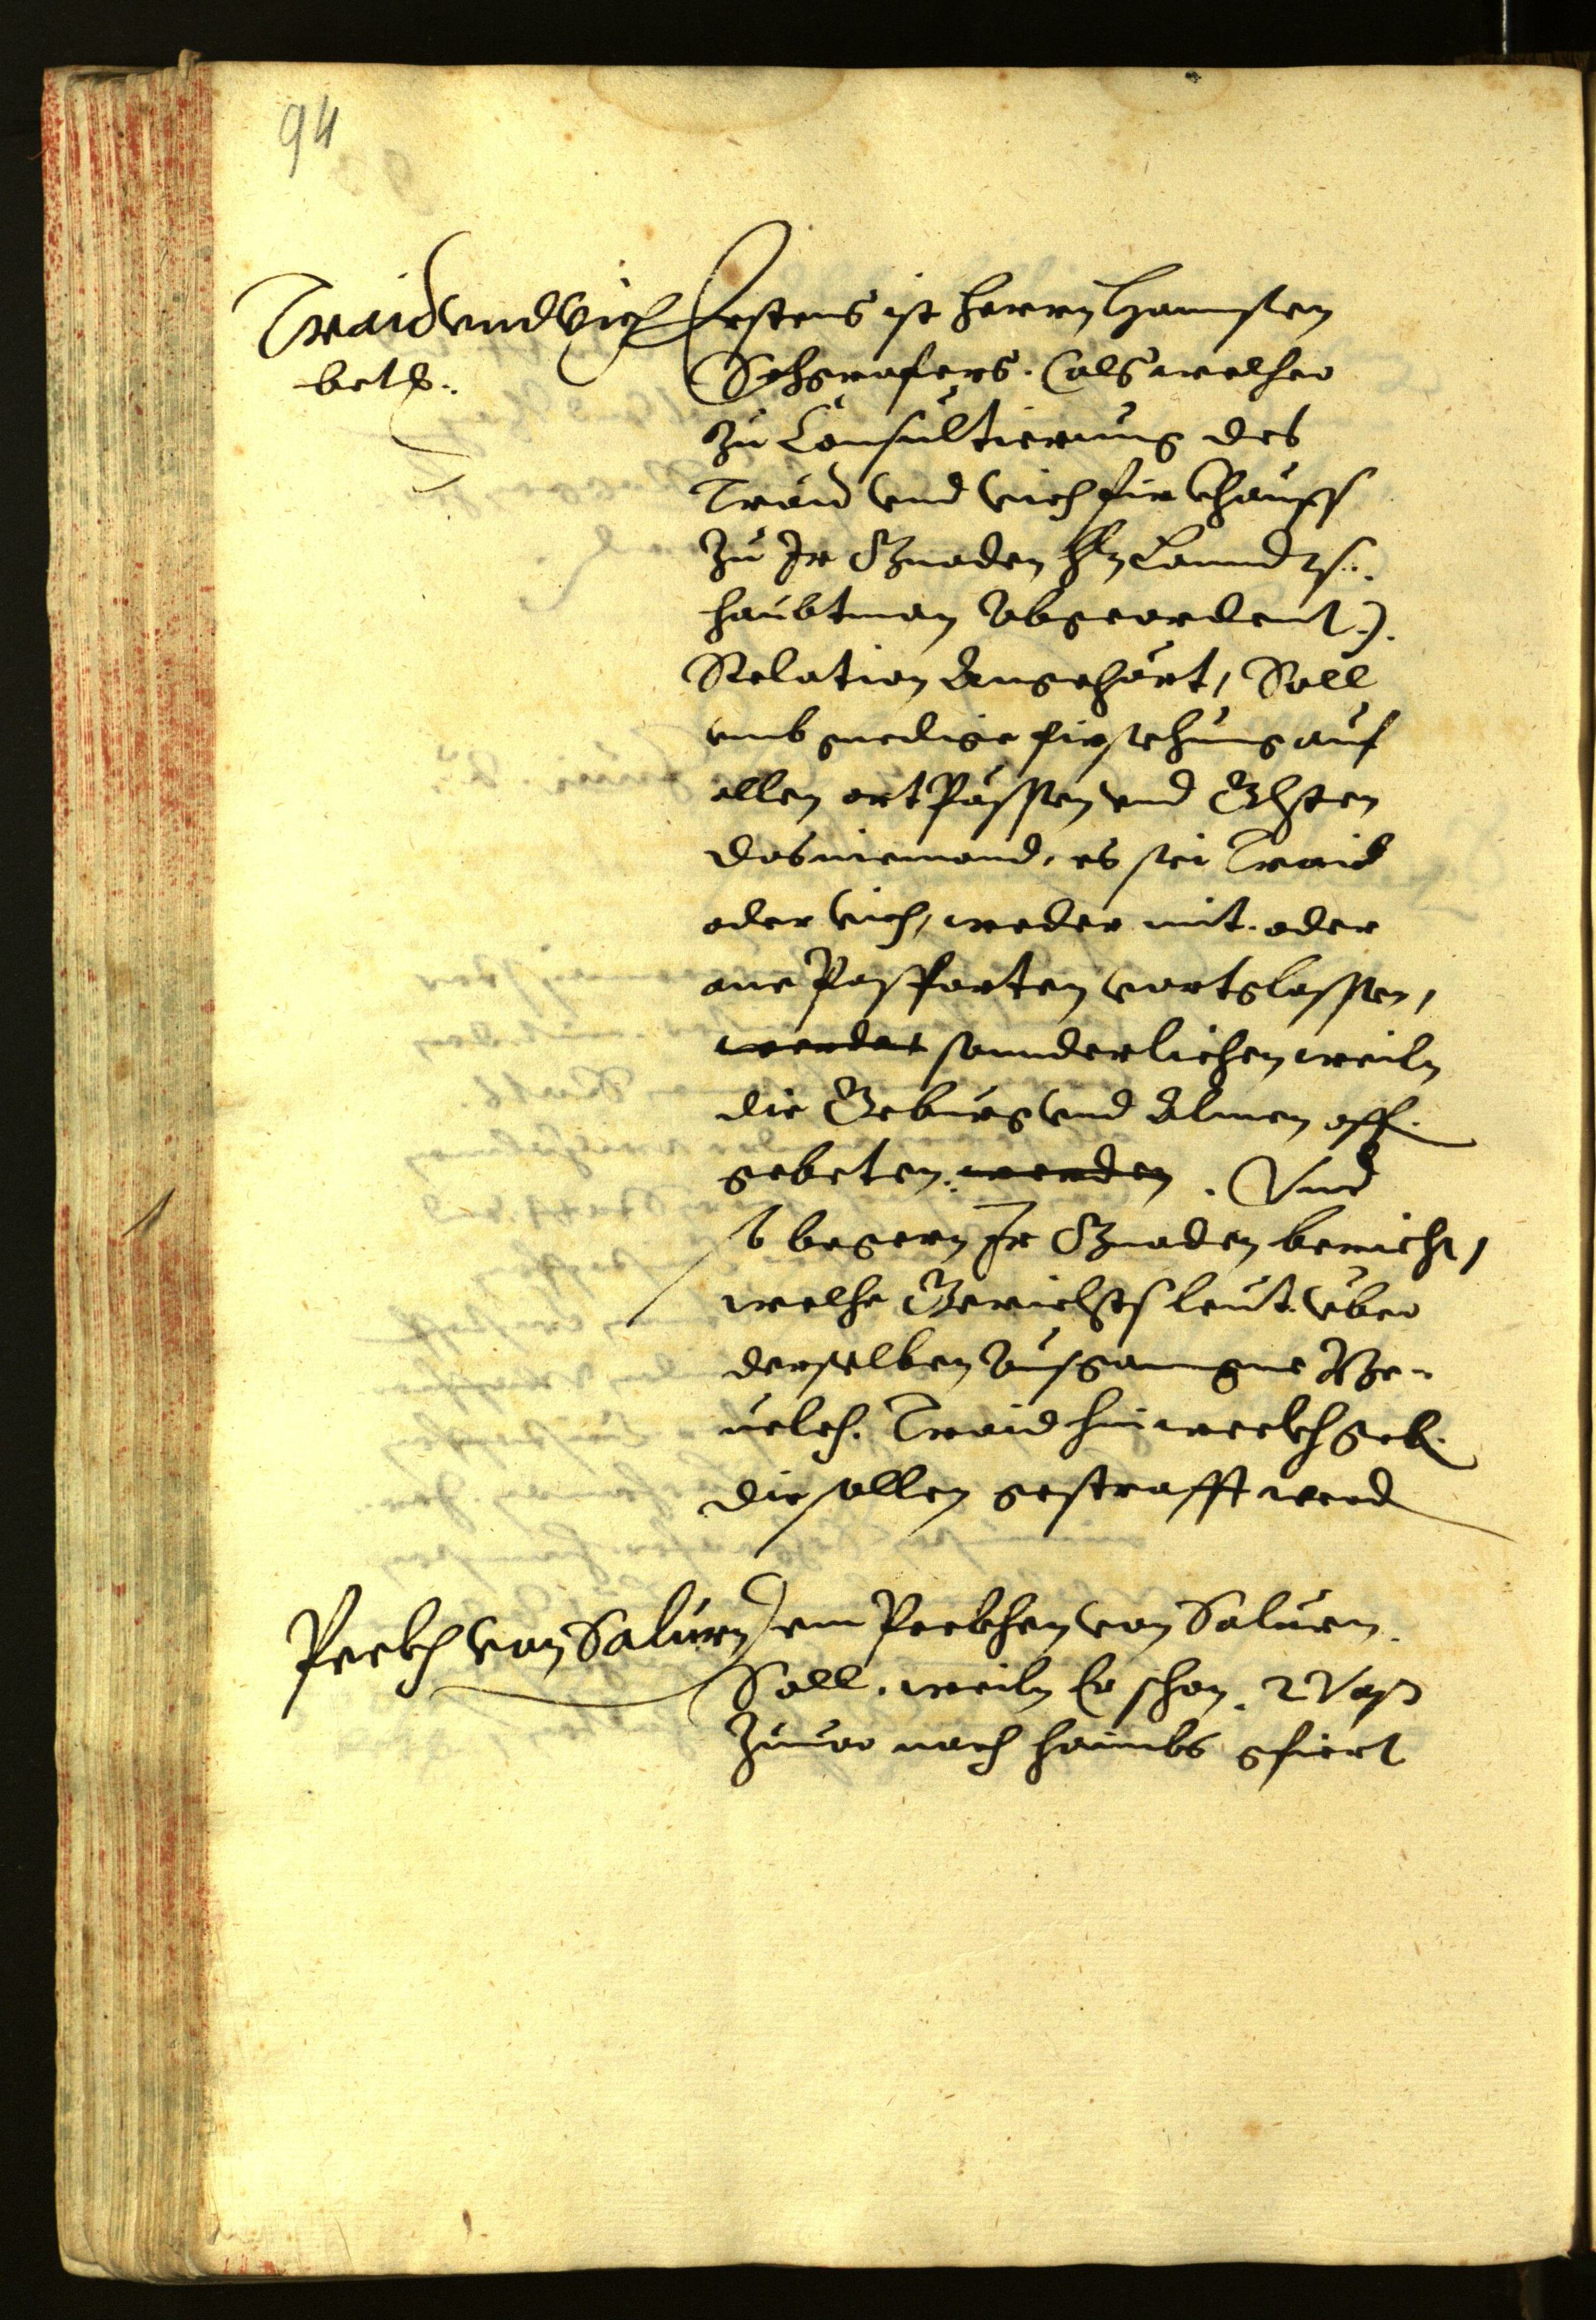94
Erstens ist herrn Hannsen
Schgrafers. (als welcher
Zū Consūltierūng des
Traid vnd Vieh firkhaūfs
Zū Ir Gnaden hln Lanndts¬
haūbtman Abgeordent.).
Relation Angehōrt, Soll
vmb gnedige firsehūng aūf
allen ort Pāssen vnd Ghten
das niemand, es sei Traid
oder Vieh, weder mit oder
one PasPorten vortglassen,
werde, sonnderlichen weiln
die Gebūrg vnd Almen off.
gebeten: werden. Vnd
so begern Ir Gnaden bericht,
welche Gerichtsleüt v̄ber
derselben Aūsganngner Be¬
ūelch. Traid hinweckh geb.
die sollen gestrafft werd
Traid vnd Vieh
bet:
Peckh von Salūrn
Dem Peckhen von Salūrn.
Soll. weiln Er schon. 2 Vaß
Zūūor nach haimbs gfiert